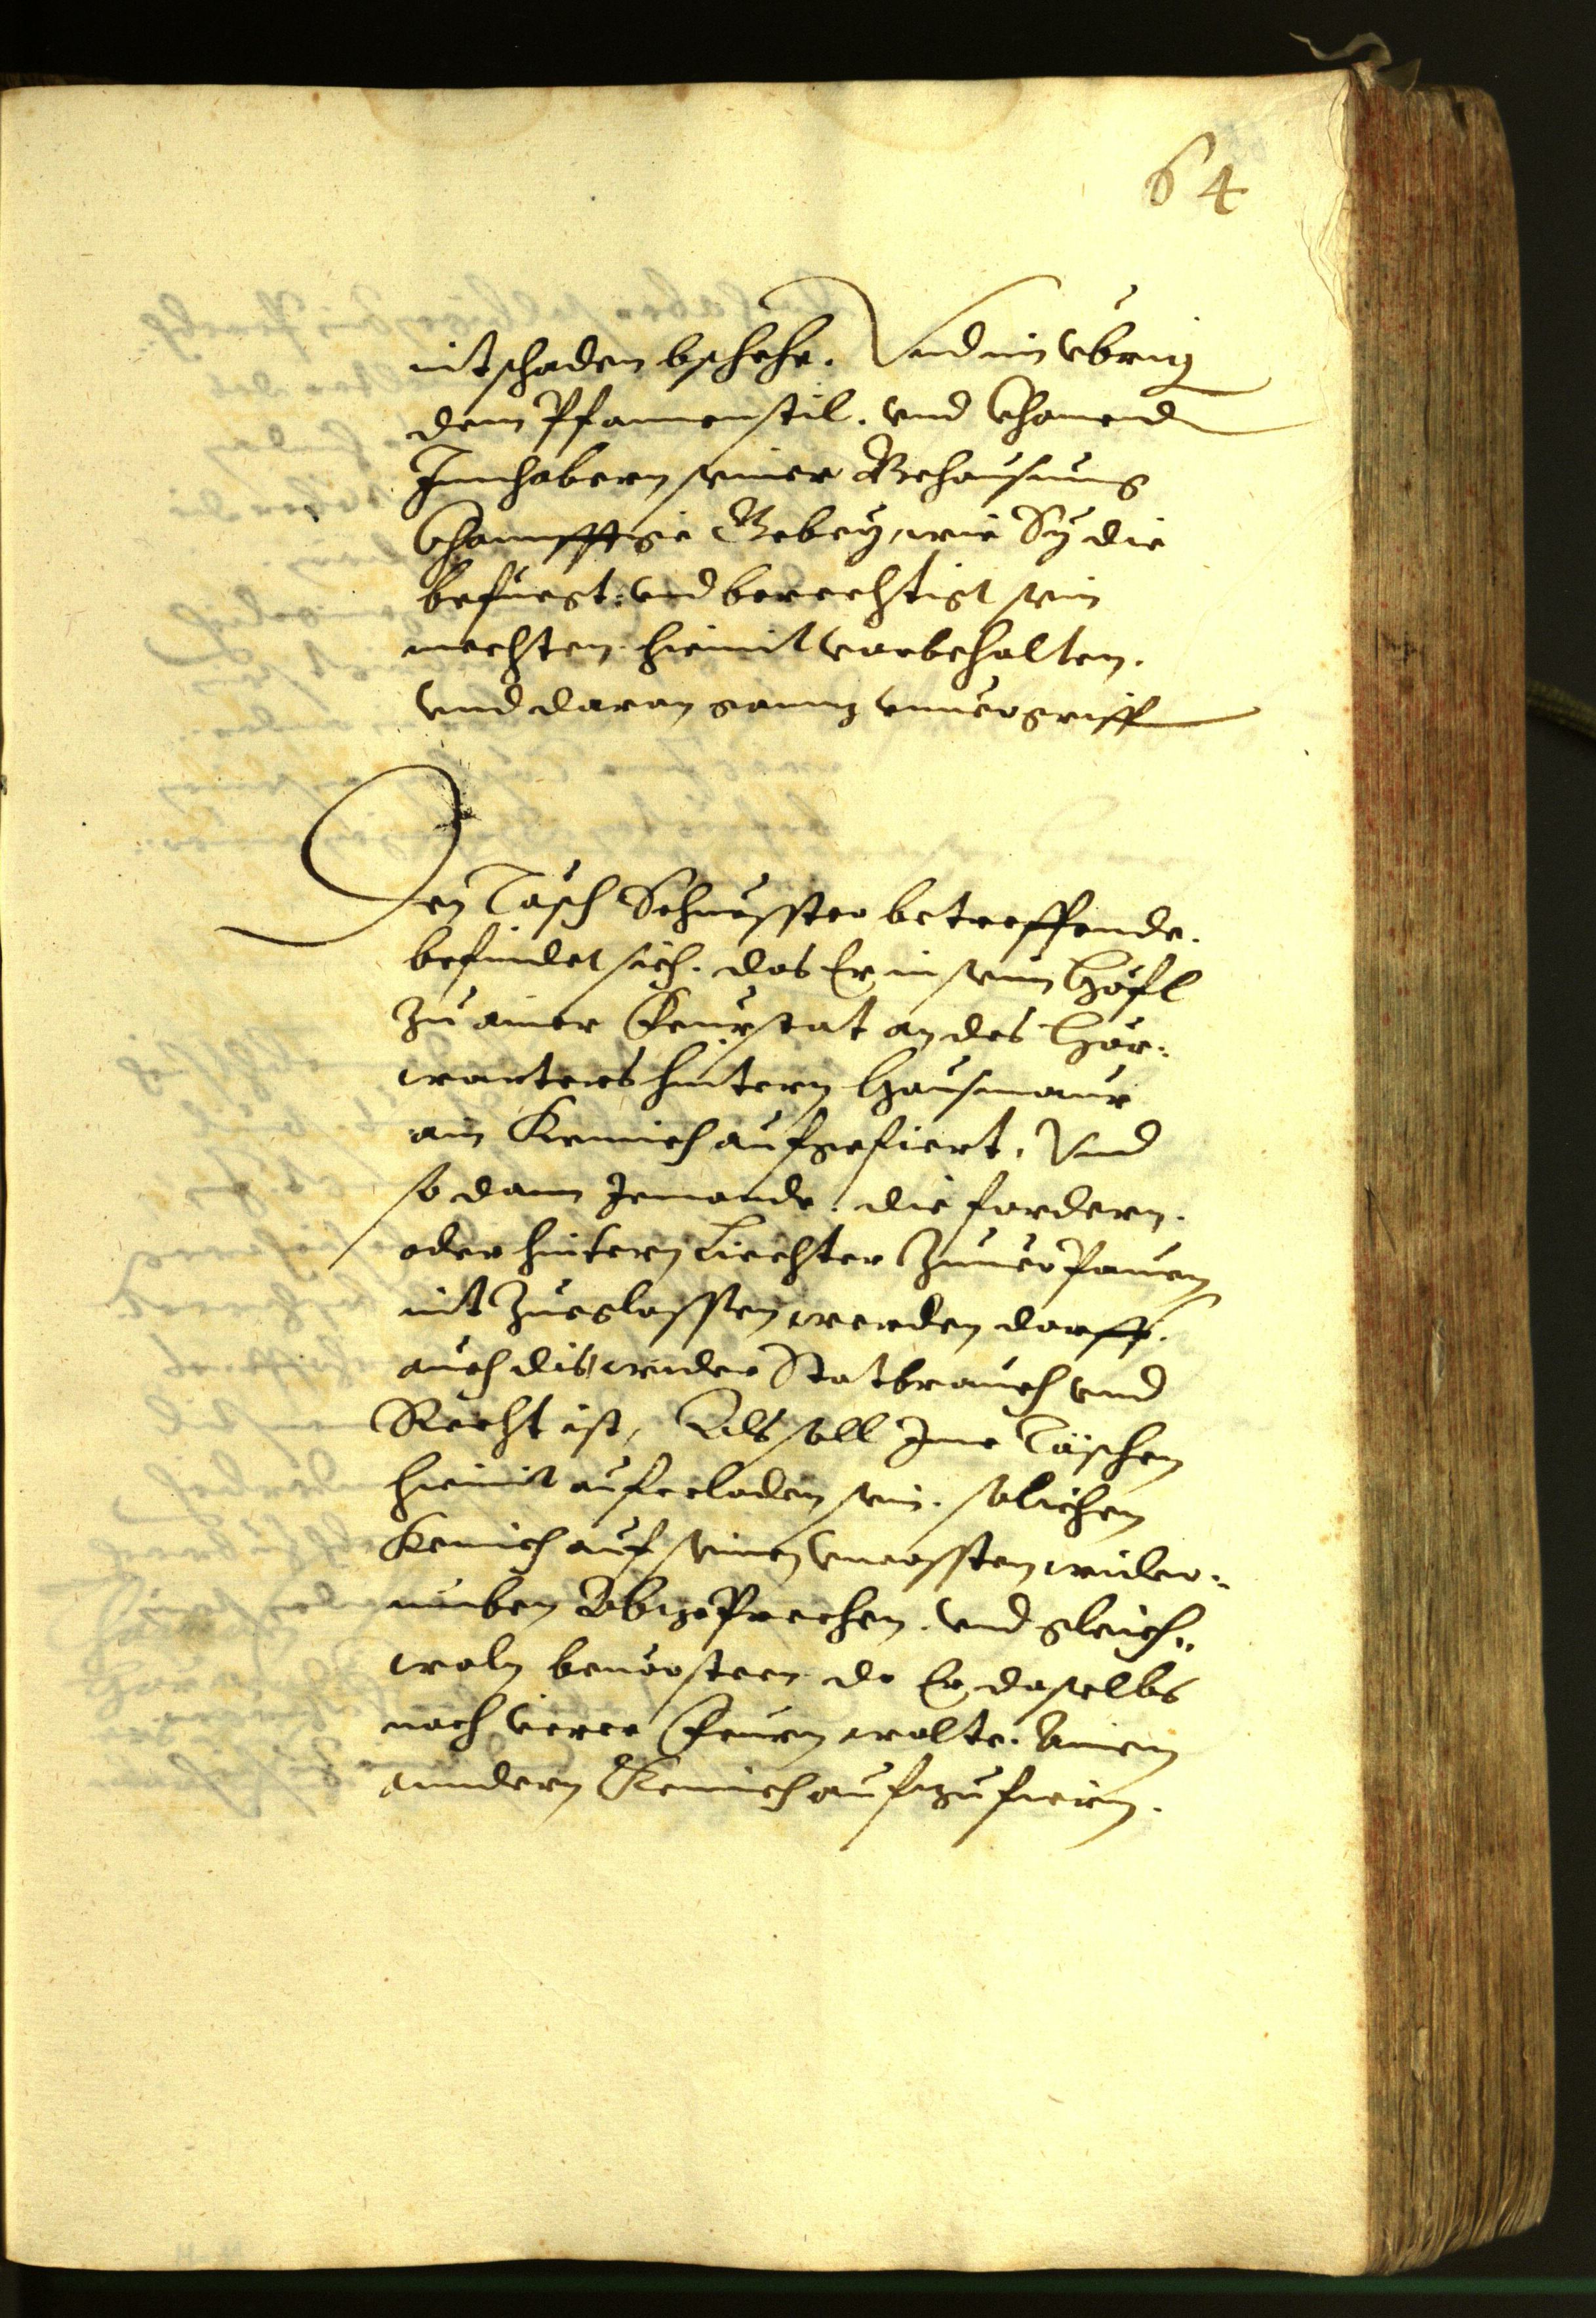64
nit schaden bschehe. Vnd im v̄brig
dem Pfannenstil. vnd khomend
Innhabern seiner Behaūsūng
Khonnfftige Gebeȳ, wie Sȳ die
befūegt: vnd berechtigt sein
mochten. hiemit vorbehalten.
vnd daran gannz vnvērgriff.
Den Tāsch Schūesster betreffende.
befindet sich. das Er in seinen Hōfl
Zū ainer Feūrstat an des Hōr¬
warters hintern Haūsmaūr
ain Kemich aūfgefiert. Vnd
so dann Jemande die fordern.
oder hintern Liechter ZūuērPaūen
nit Zūeglassen werden darff.
aūch dis wider Statbraūch vnd
Recht ist, Als soll Ime Täschen
hiemit aūferladen sein. solichen
Kemich aūf seinen vncossten wider¬
ūmben AbzePrechen. vnd gleich¬
woln beuōrsteen da Er daselbs
noch verer Feūrn wolte. Ainen
anndern Kemich aūfzūfiern.